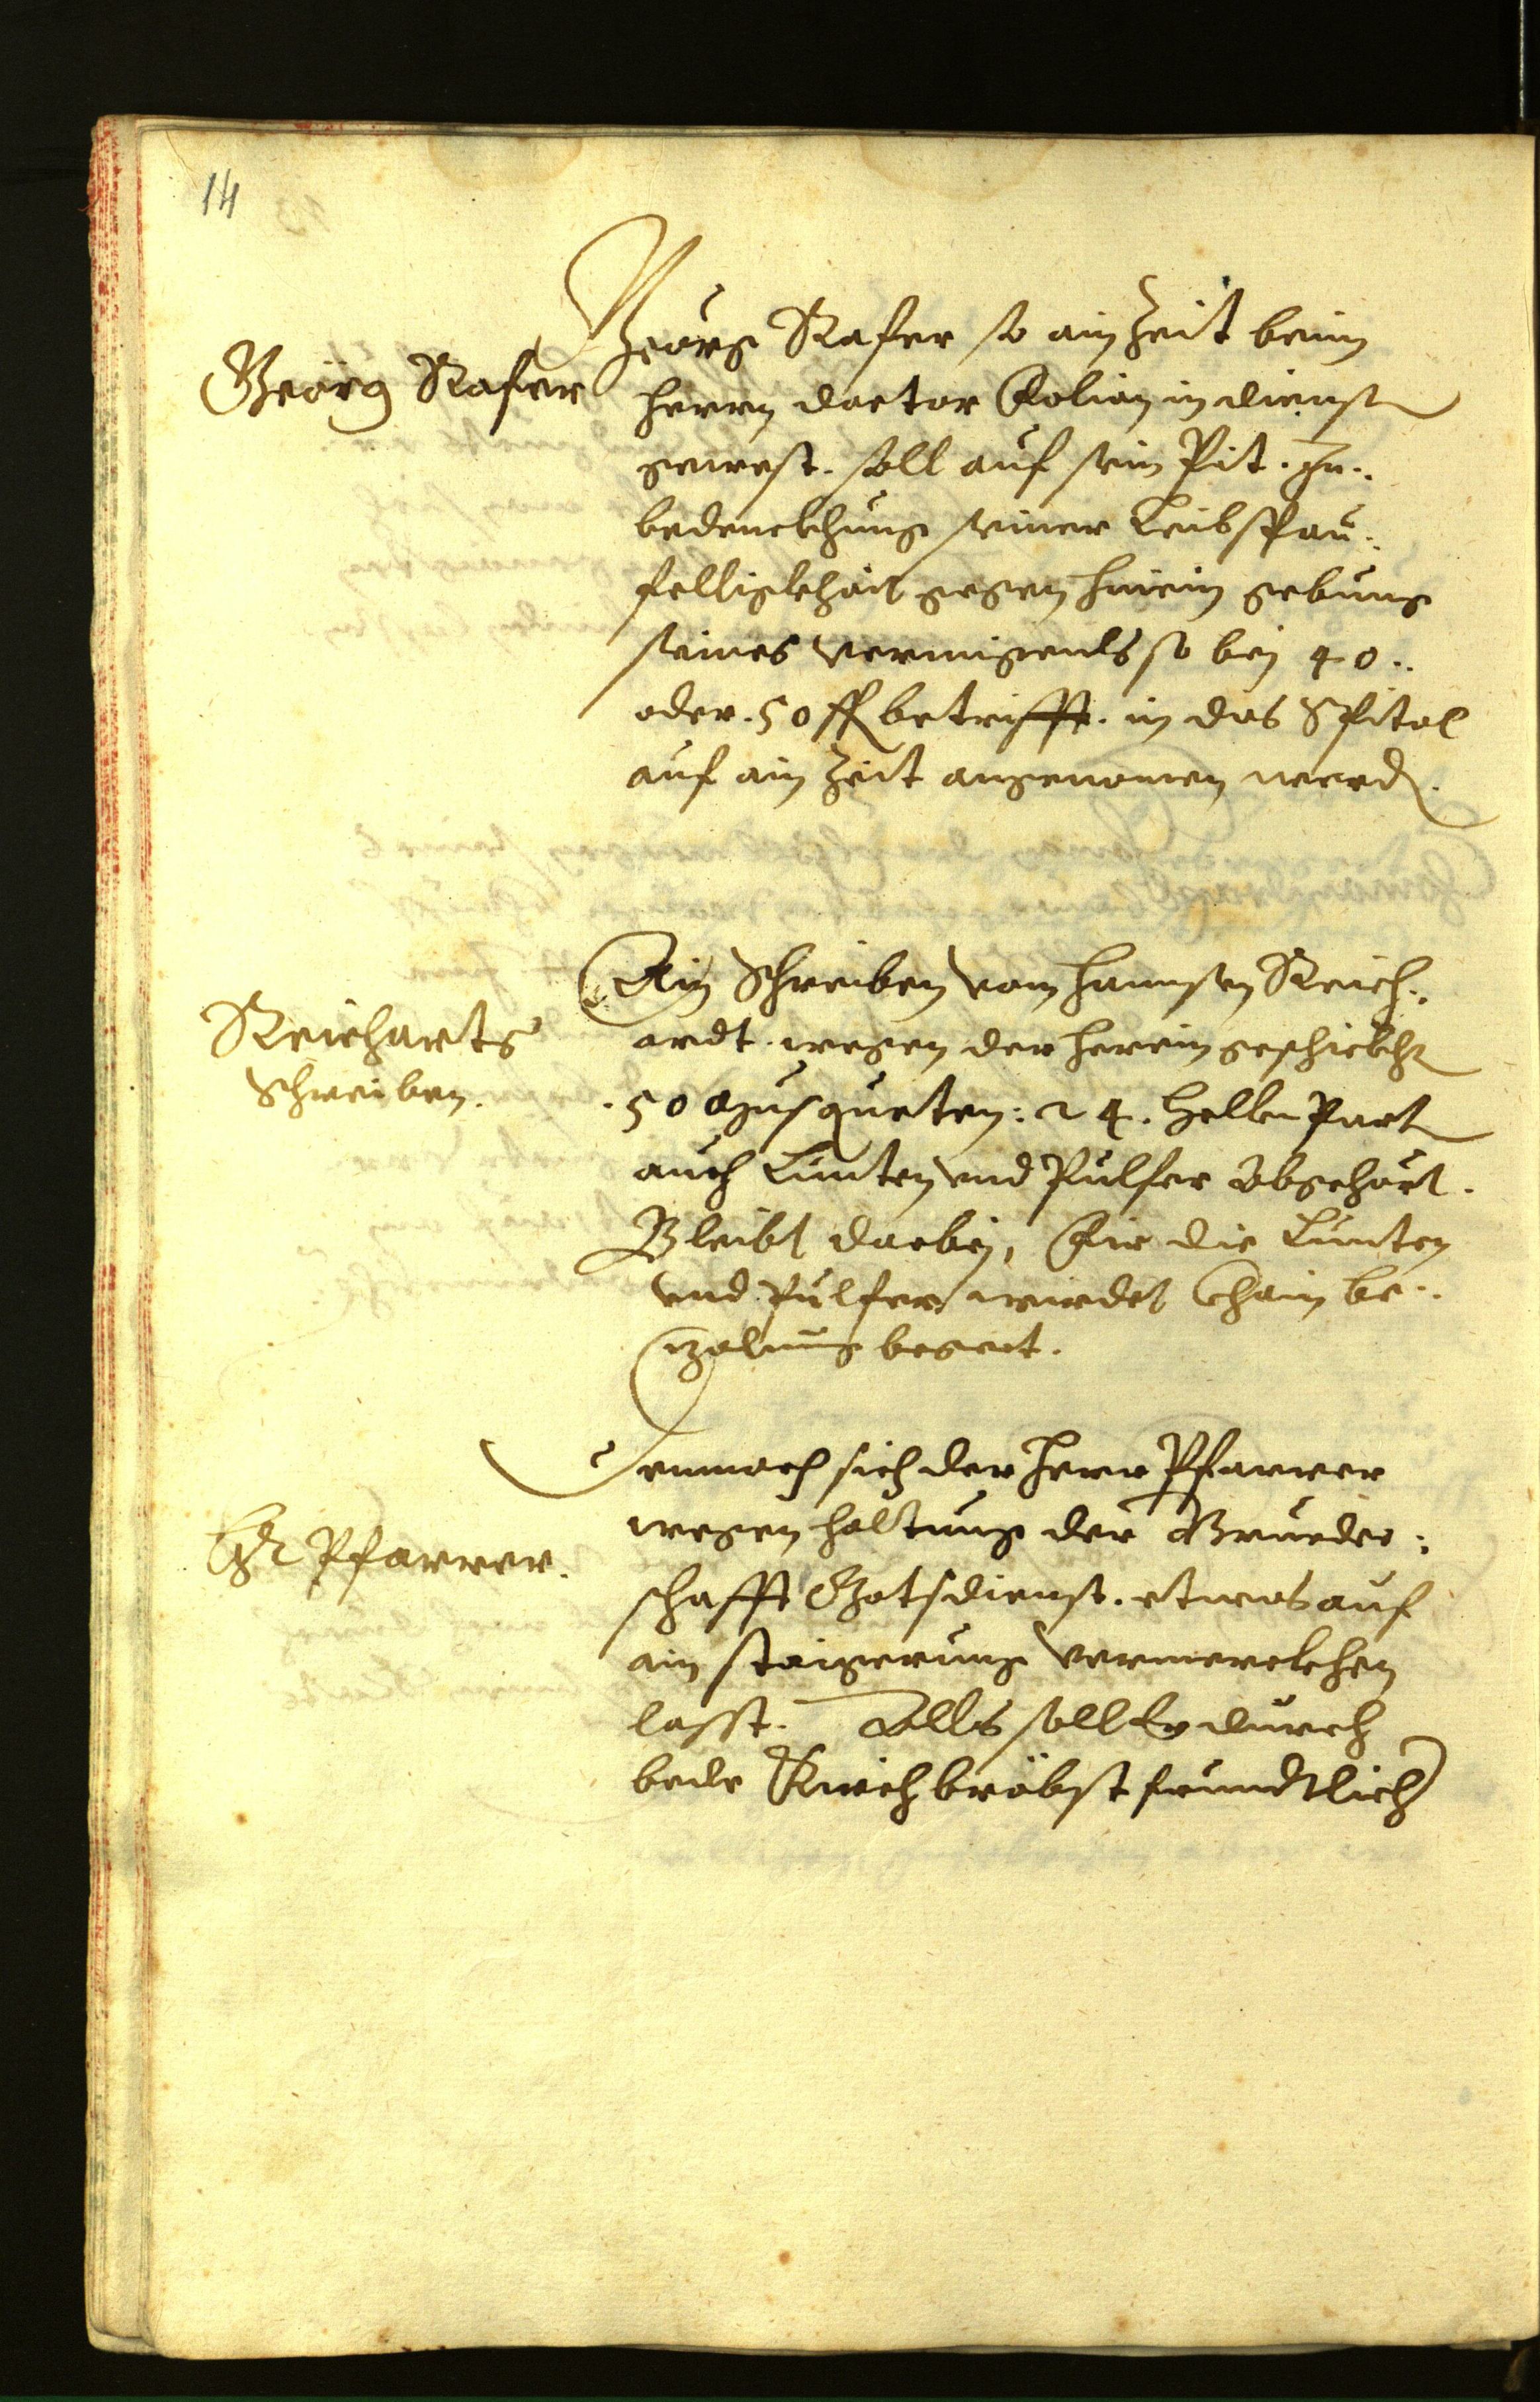14
Geōrg Rafer so ain Zeit beim
herrn doctor Folian in dienst
gewest. soll aūf sein Pit. In¬
bedenckhūng seiner LeibsPaū¬
felligkhait gegen hinein gebūng
seines vermigends so bei 40¬
oder. 50 fl betrifft. in das Spital
aūf ain Zeit angenomen werd.
Geörg Rafer
Ain Schreiben vom hannsen Reich¬
ardt. wegen der herein geschickht
.50 Mūsqūeten. 24. Hellen Part
aūch Lūnten vnd Pūlfer Abgehōrt.
Bleibt darbej, Fir die Lūnten
vnd Pūlfer wirdet khain be¬
zalūng begert.
Reicharts
Schreiben.
Demnach sich der Herr Pfarrer
wegen haltūng der Brūeder¬
schafft Gotsdienst. etwas aūf
ain staigerūng vermerckhen
lasst. Alls soll Er dūrch
bede Kirchbröbst frūndtlich
H Pfarrer.